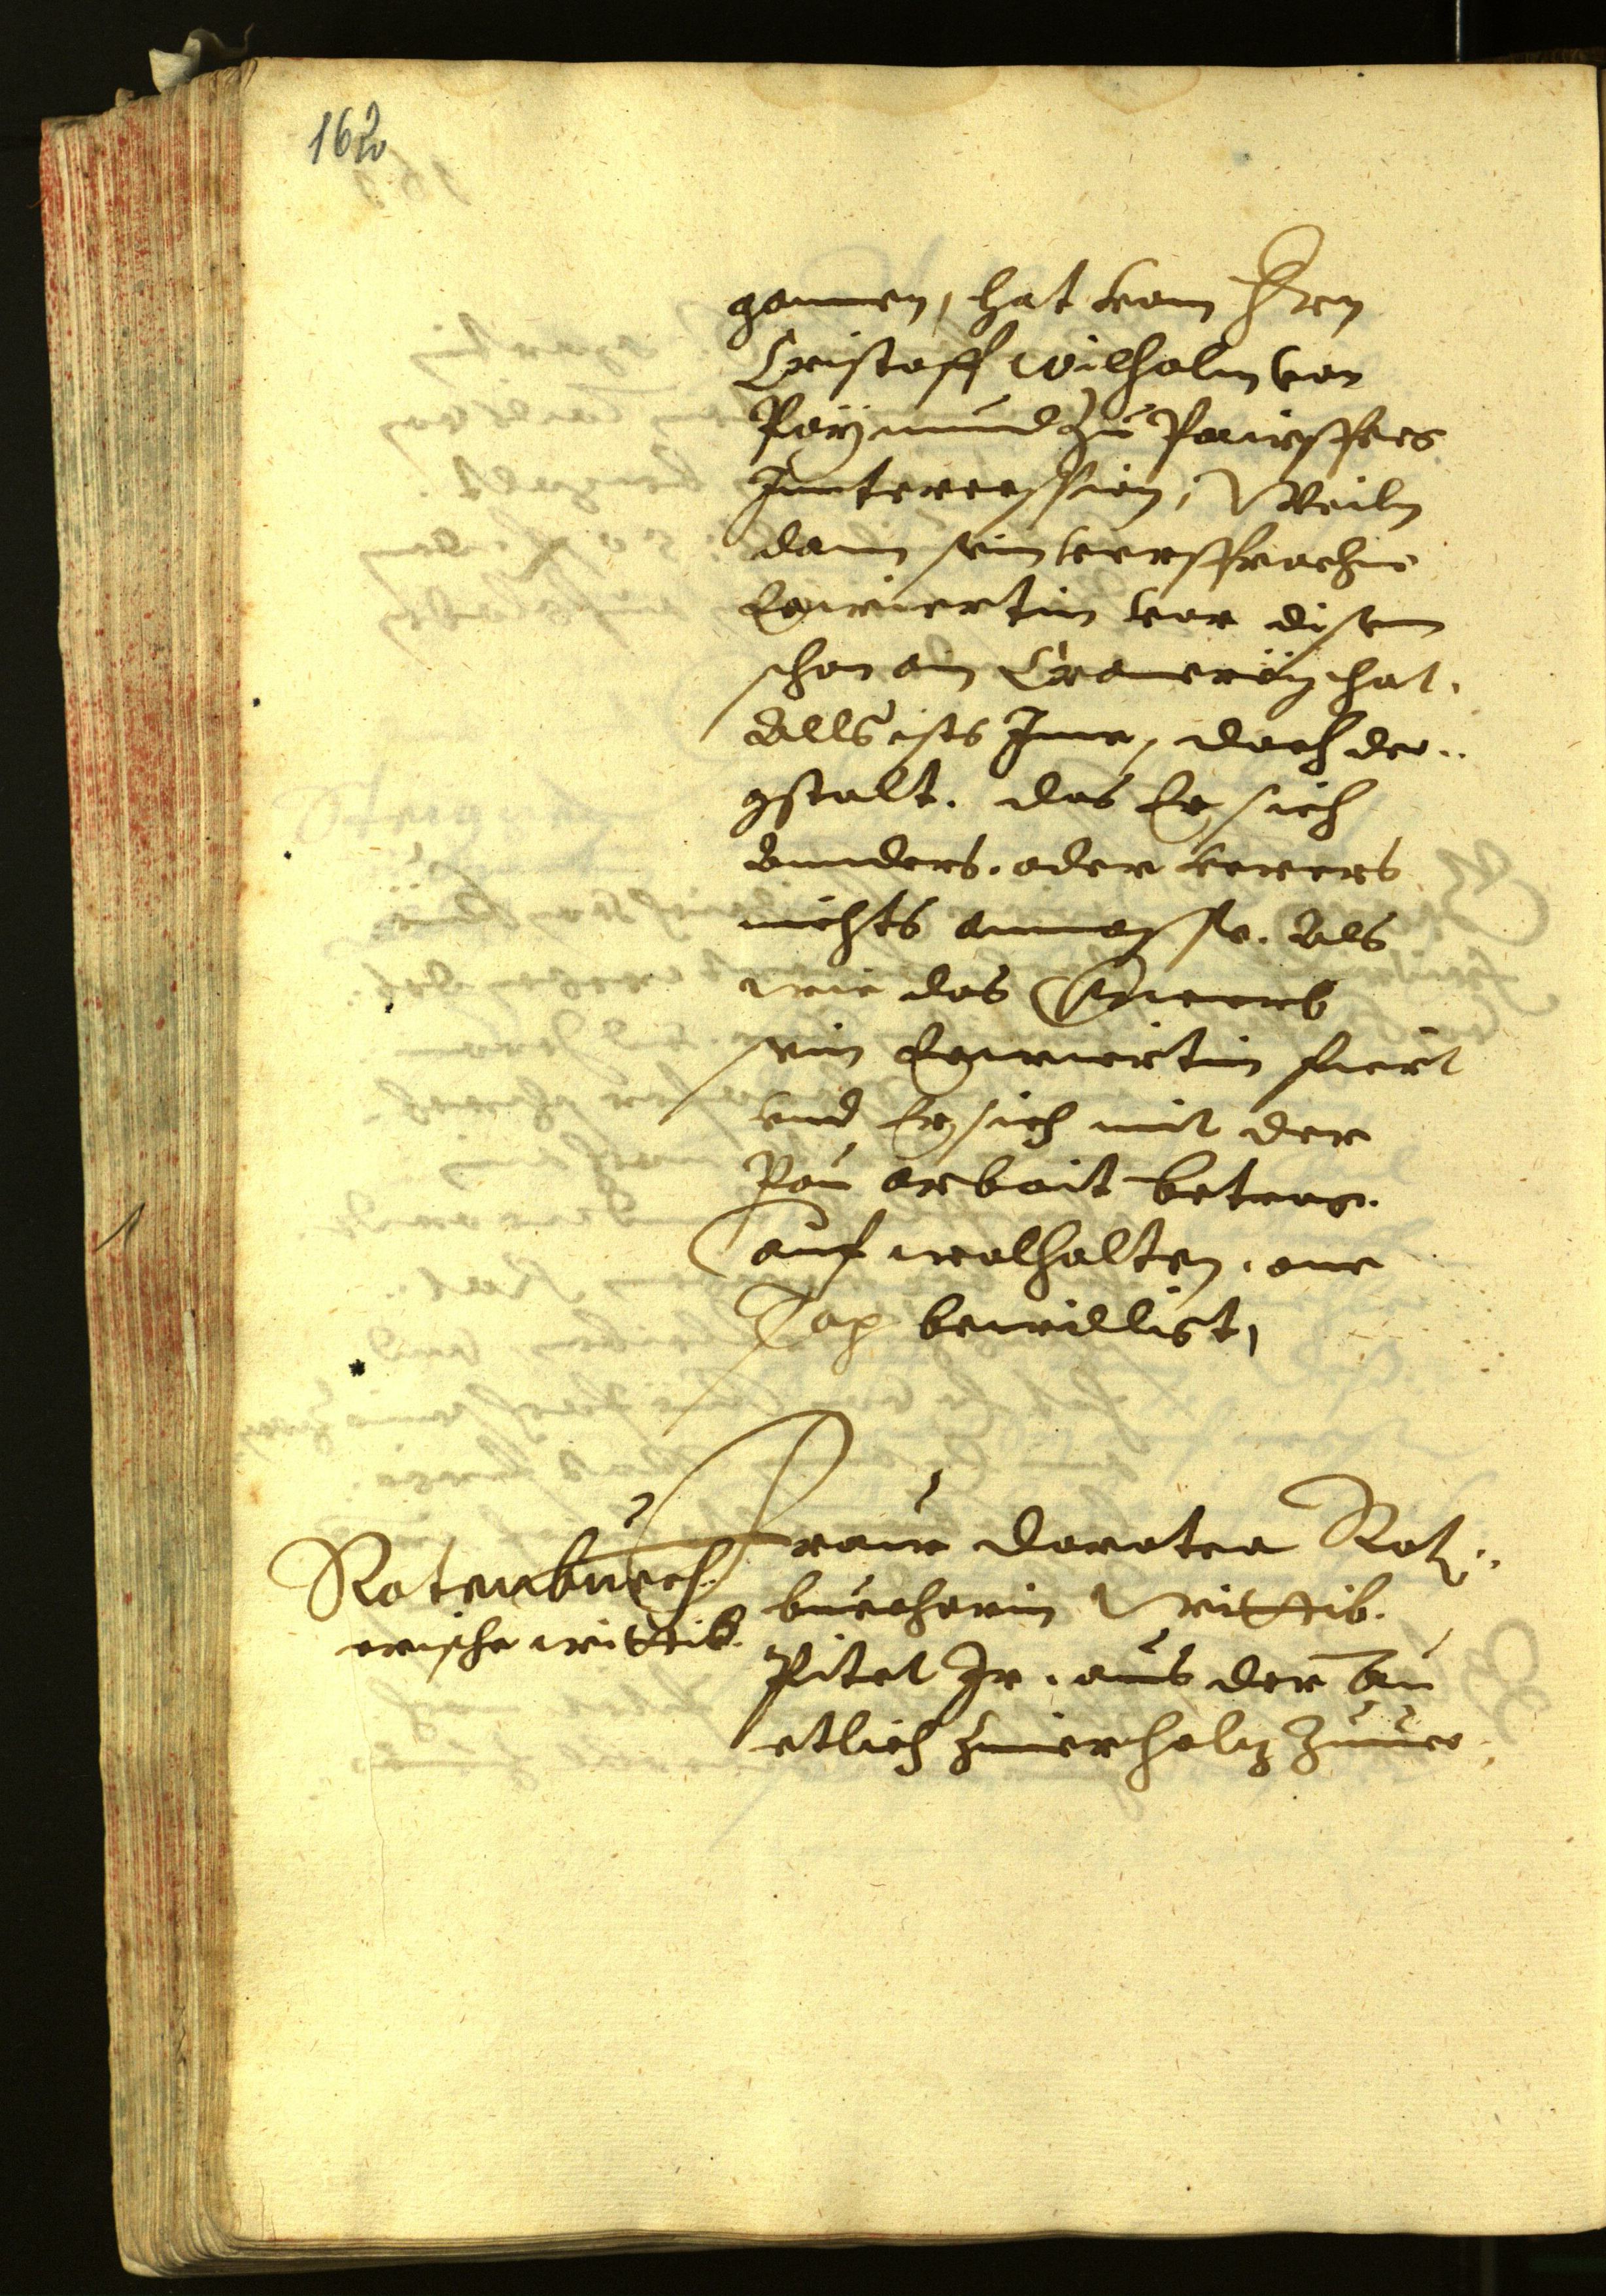162
gonnen, Hat vom hrn
Cristoff Wilhalm von
Poÿmūnd Zū PairsPerg
Inntercession, Weiln
dann sein versprochen
Eewiertin vor disem
schon ain Cramereÿ hat.
Alls ists Ime doch der¬
gstalt. das Er sich
Annders. oder verers
nichts anmasse. Als
wie das Gwerb
sein Eewiertin fiert
vnd Er sich mit der
Paū arbait betrag.
aūf wolhalten. one
Tax bewilligt,
Fraūe dorotea Rot¬
būecherin Wittib.
Pitet Ir. aūs der Aū
etlich Zimerholz Zūūer¬
Rotenbūech¬
erische Wittib.